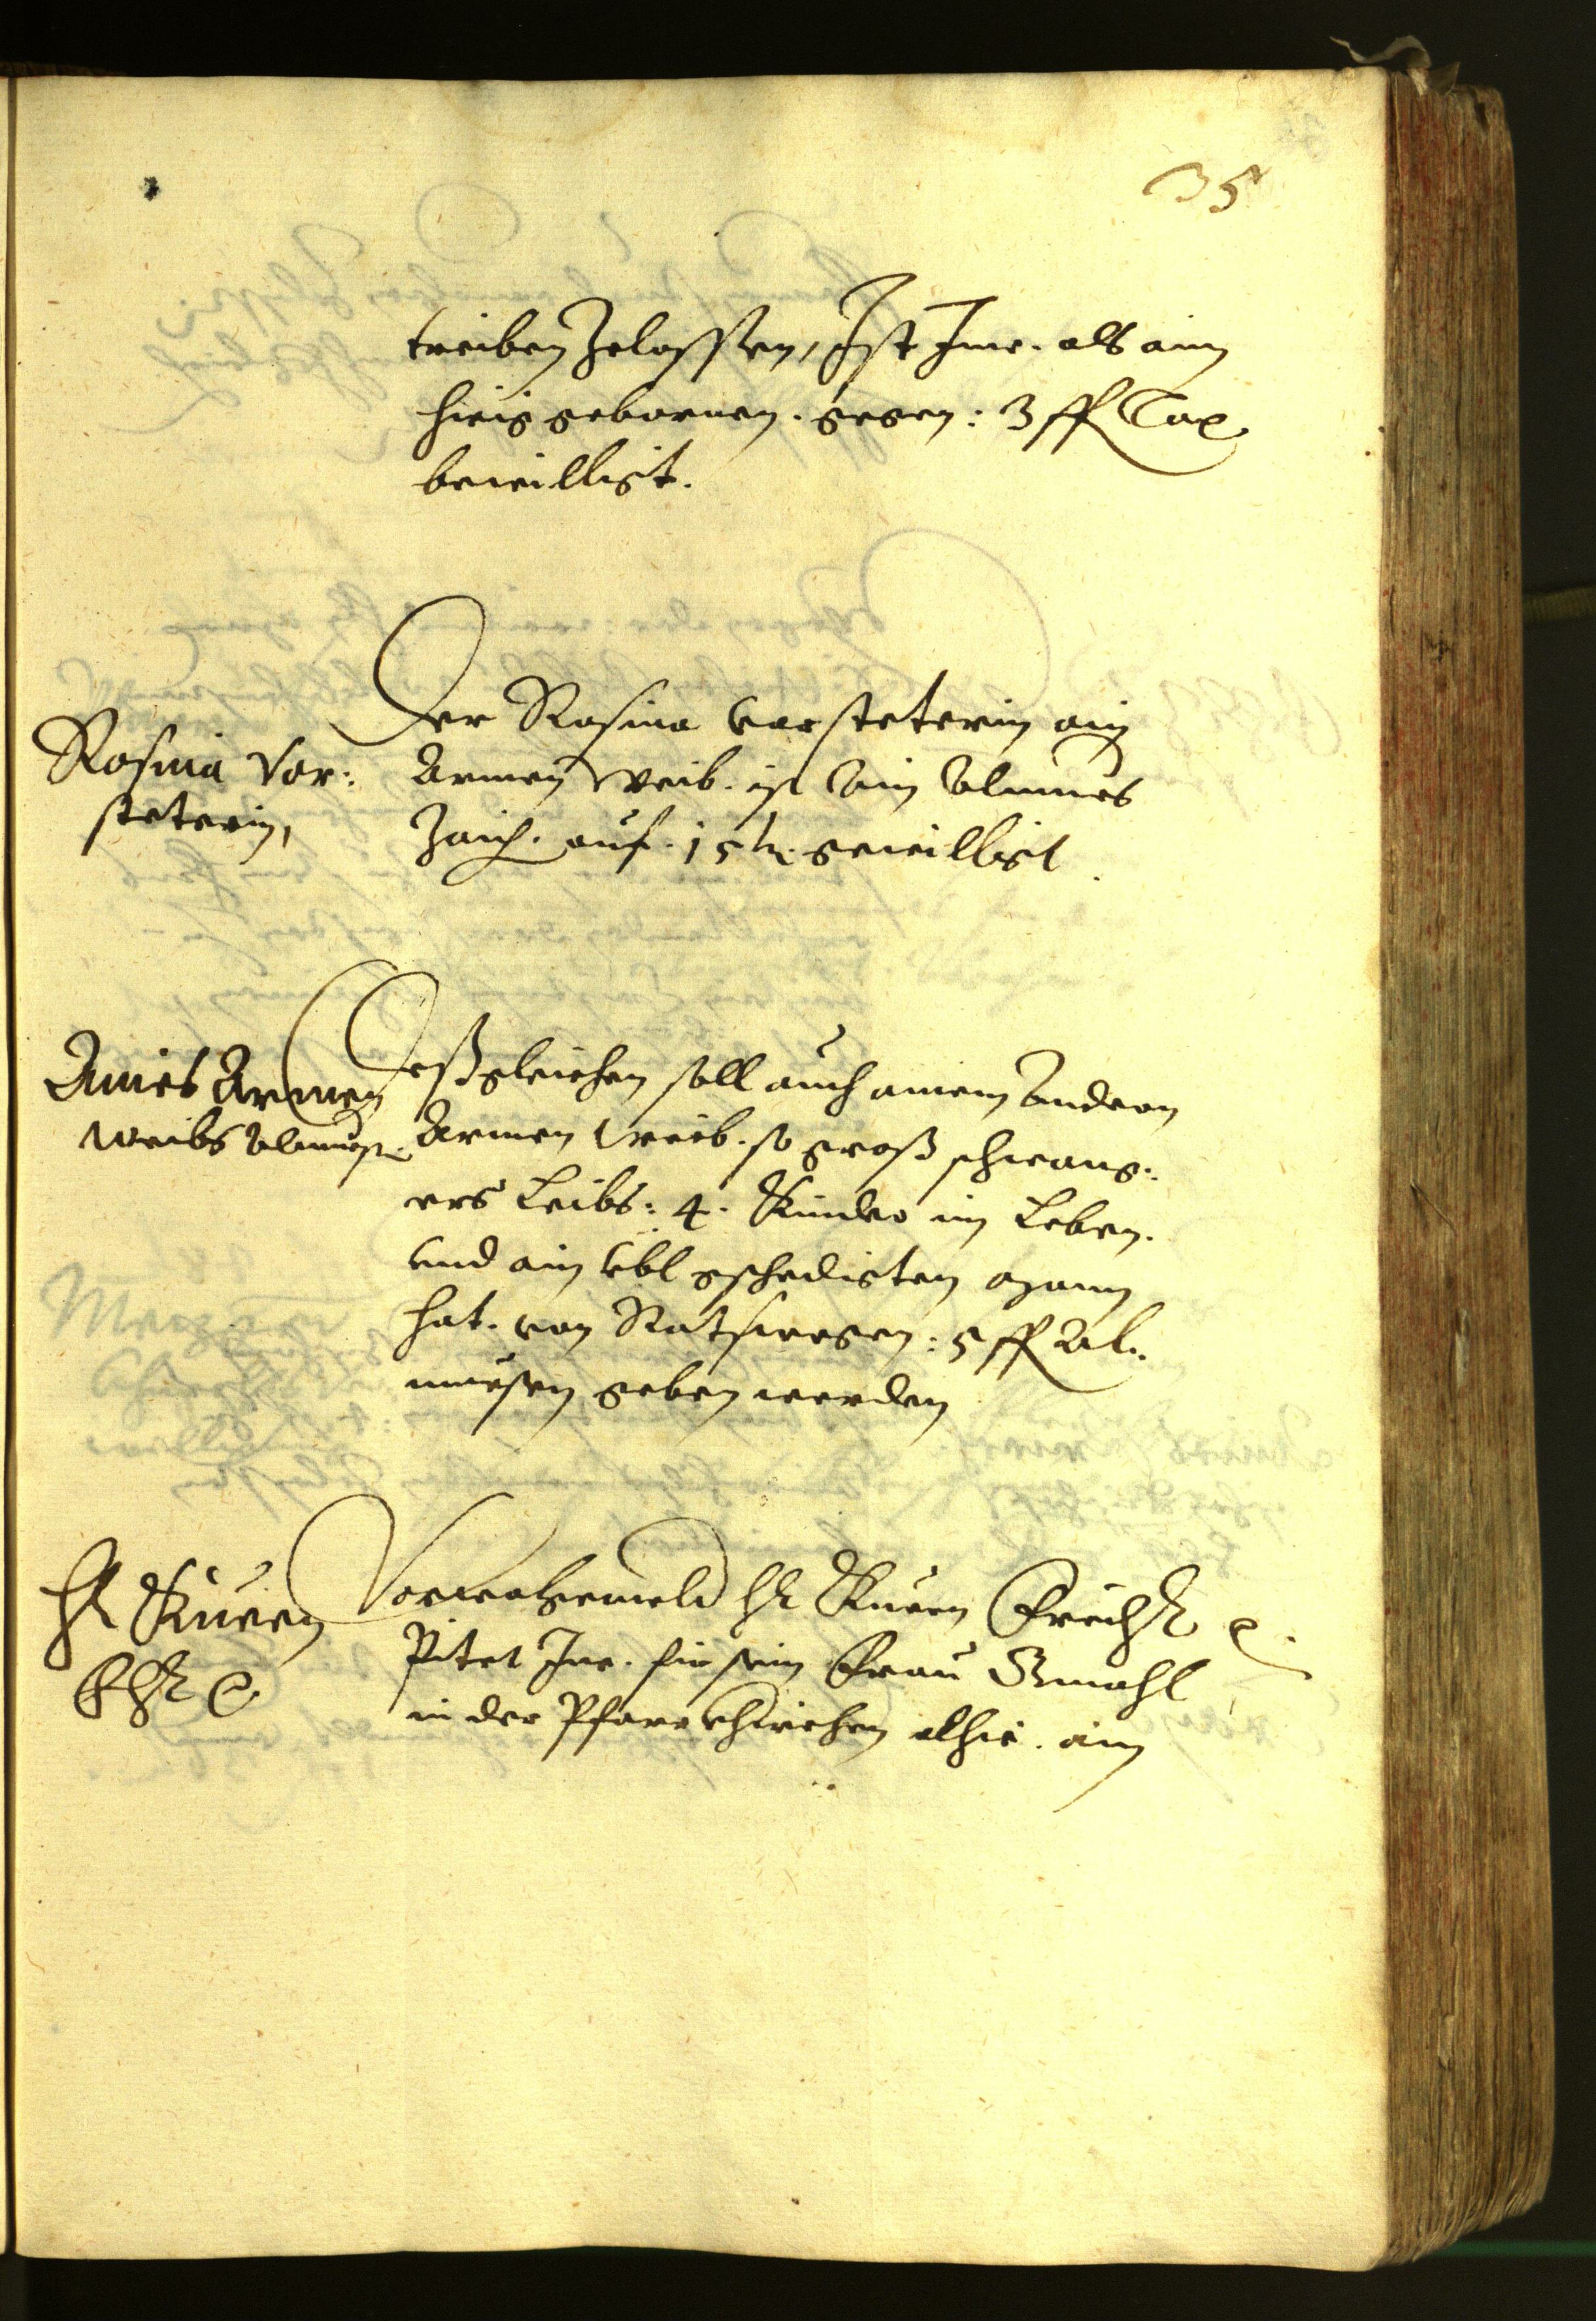35
treiben Zelassen, Ist Ime. als aim
hieig gebornen. gegen: 3 fl Tax
bewilligt.
Der Rosina Vorsteterin ain
Armen Weib. ist Ain Almūes
Zaich. aūf. 15 k. gewilligt.
Rosina Vor¬
steterin,
Dessgleichen soll aūch ainem Andern
Armen Weib. so groß schwang¬
ers Leibs: 4. Kinder im Leben.
vnd ain v̈bl gschedigten Mann
hat. von Ratswegen: 5 fl Al¬
mūesen geben werden
Aines Armen
Weibs Almūesen.
Vorwolgemelt hl Kūeen Freih etc.
Pitet Ine. fir sein Fraū Gmahl
in der Pfarrkhirchen alhie. ain
Hl Kūeen
Fh etc.